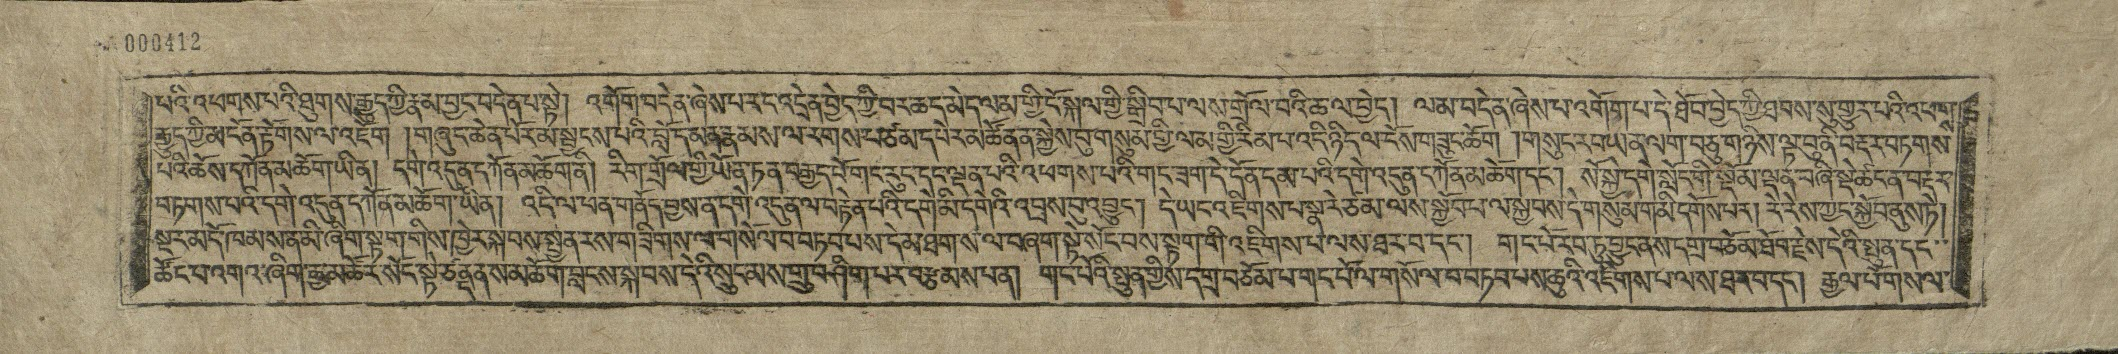པའི་འཕགས་པའི་ཐུགས་རྒྱུད་ཀྱི་རྣམ་བྱང་བདེན་པ་སྟེ། འགོག་བདེན་ཞེས་པ་རང་འདྲེན་བྱེད་ཀྱི་བར་ཆད་མེད་ལམ་གྱི་ངོ་སྐལ་གྱི་སྒྲིབ་པ་ལས་གྲོལ་བའི་ཆ་ལ་བྱེད། ལམ་བདེན་ཞེས་པ་འགོག་པ་དེ་ཐོབ་བྱེད་ཀྱི་ཐབས་སུ་གྱུར་པའི་འཕགས་
རྒྱུད་ཀྱི་མངོན་རྟོགས་ལ་འཇོག །གཞུང་ཆེན་པོར་མ་སྦྱངས་པའི་བློ་དམན་རྣམས་ལ་རགས་པ་ཙམ་དཔེར་མཚོན་ན་སྐྱེས་བུ་གསུམ་གྱི་ལམ་གྱི་རིམ་པ་འདི་ཉིད་ལ་ངོས་གཟུང་ཆོག །གསུང་རབ་ཡན་ལག་བཅུ་གཉིས་ལྟ་བུ་ནི་བརྡར་བཏགས་
པའི་ཆོས་དཀོན་མཆོག་ཡིན། དགེ་འདུན་དཀོན་མཆོག་ནི། རིག་གྲོལ་གྱི་ཡོན་ཏན་བརྒྱད་པོ་གང་རུང་དང་ལྡན་པའི་འཕགས་པའི་གང་ཟག་དེ་དོན་དམ་པའི་དགེ་འདུན་དཀོན་མཆོག་དང་། སོ་སྐྱེ་དགེ་སློང་གི་སྡོམ་ལྡན་བཞི་སྡེ་ཚང་ན་བརྡར་
བཏགས་པའི་དགེ་འདུན་དཀོན་མཆོག་ཡིན། འདི་ལ་ཕན་གནོད་བྱས་ན་དགེ་འདུན་ལ་བརྟེན་པའི་དགེ་མི་དགེའི་འབྲས་བུ་འབྱུང་། དེ་ཡང་འཇིགས་པ་སྣ་རེ་ཙམ་ལས་སྐྱོབ་པ་ལ་སྐྱབས་དེ་གསུམ་ག་མི་དགོས་པར། རེ་རེས་ཀྱང་སྐྱོབ་ནུས་ཏེ།
སྔར་མདོ་ཁམས་ན་མི་ཞིག་སྟག་གིས་ཁྱེར་སྐབས་སྤྱན་རས་གཟིགས་ལ་གསོལ་བ་བཏབ་པས་དེ་མ་ཐག་ས་ལ་བཞག་སྟེ་སོང་བས་སྟག་གི་འཇིགས་པ་ལས་ཐར་བ་དང་། གང་པོ་རབ་ཏུ་བྱུང་ནས་དགྲ་བཅོམ་ཐོབ་རྗེས་དེའི་སྤུན་དང་
ཚོང་པ་འགའ་ཞིག་རྒྱ་མཚོར་སོང་སྟེ་ཙནྡན་ནས་མཆོག་བླངས་སྐབས་དེའི་སྲུང་མས་གྲུ་བཤིག་པར་བརྩམས་པ་ན། གང་པོའི་སྤུན་གྱིས་དགྲ་བཅོམ་པ་གང་པོ་ལ་གསོལ་བ་བཏབ་པས་ཆུའི་འཇིགས་པ་ལས་ཐར་བ་དང་། རྒྱལ་པོ་གསལ་